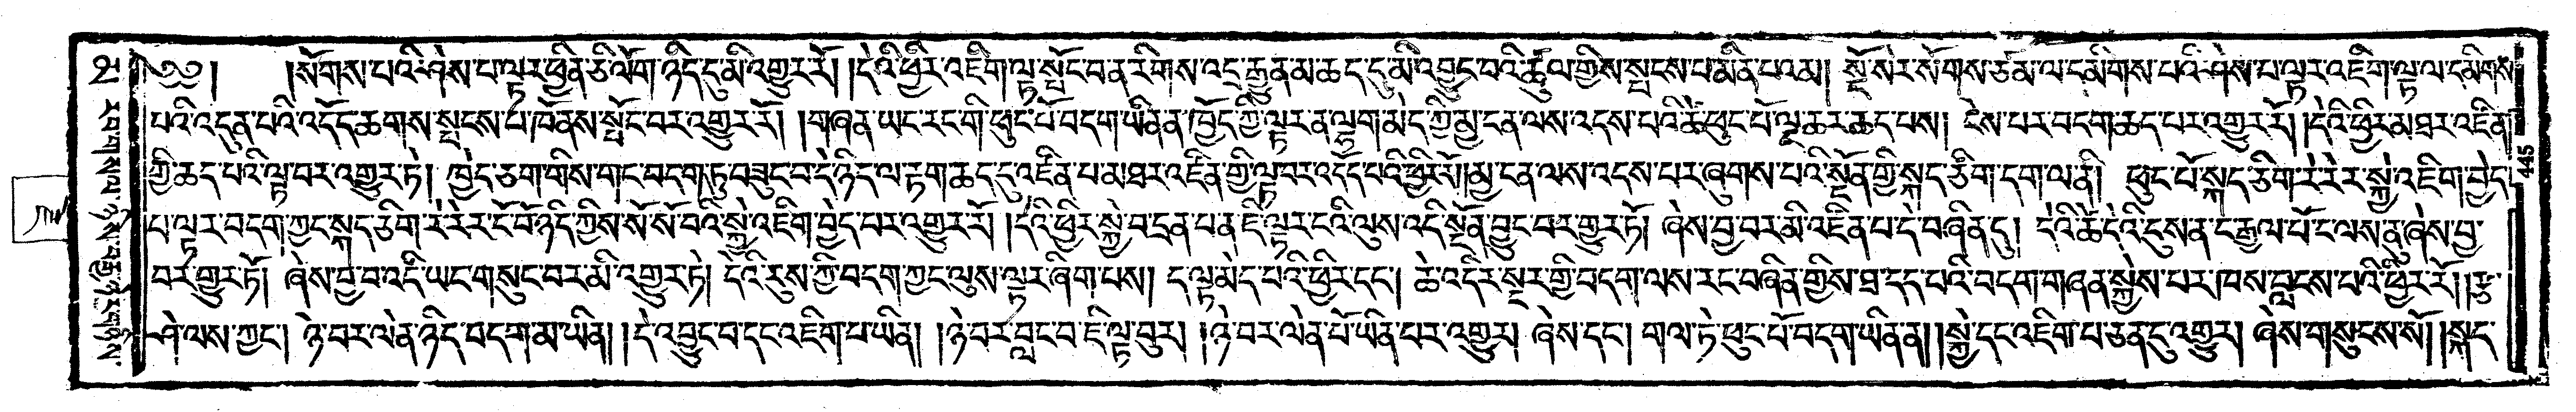༄༅། །སོགས་པའི་ཤེས་པ་ལྟར་ཕྱིན་ཅི་ལོག་ཉིད་དུ་མི་འགྱུར་རོ། །དེའི་ཕྱིར་འཇིག་ལྟ་སྤོང་བ་ན་རིགས་འདྲ་རྒྱུན་མ་ཆད་དུ་མི་འབྱུང་བའི་ཚུལ་གྱིས་སྤངས་པ་མིན་པའམ། སྔོ་སེར་སོགས་ཙམ་ལ་དམིགས་པའི་ཤེས་པ་ལྟར་འཇིག་ལྟ་ལ་དམིགས་
པའི་འདུན་པའི་འདོད་ཆགས་སྤངས་པ་ཁོ་ནས་སྤོང་བར་འགྱུར་རོ། །གཞན་ཡང་རང་གི་ཕུང་པོ་བདག་ཡིན་ན་ཁྱོད་ཀྱི་ལྟར་ན་ལྷག་མེད་ཀྱི་མྱ་ངན་ལས་འདས་པའི་ཚེ་ཕུང་པོ་ལྔ་ཆར་ཆད་པས། ངེས་པར་བདག་ཆད་པར་འགྱུར་རོ། །དེའི་ཕྱིར་མཐར་འཛིན་
གྱི་ཆད་པའི་ལྟ་བར་འགྱུར་ཏེ། ཁྱེད་ཅག་གིས་གང་བདག་ཏུ་བཟུང་བ་དེ་ཉིད་ལ་རྟག་ཆད་དུ་འཛིན་པ་མཐར་འཛིན་གྱི་ལྟ་བར་འདོད་པའི་ཕྱིར་རོ། །མྱ་ངན་ལས་འདས་པར་ཞུགས་པའི་སྔོན་གྱི་སྐད་ཅིག་དག་ལ་ནི། ཕུང་པོ་སྐད་ཅིག་རེ་རེར་སྐྱེ་འཇིག་བྱེད་
པ་ལྟར་བདག་ཀྱང་སྐད་ཅིག་རེ་རེར་ངོ་བོ་ཉིད་ཀྱིས་སོ་སོ་བའི་སྐྱེ་འཇིག་བྱེད་པར་འགྱུར་རོ། །དེའི་ཕྱིར་སྐྱེ་བ་དྲན་པ་ན་ཇི་ལྟར་ངའི་ལུས་འདི་སྔོན་བྱུང་བར་གྱུར་ཏོ། ཞེས་བྱ་བར་མི་འཛིན་པ་དེ་བཞིན་དུ། དེའི་ཚེ་དེའི་དུས་ན་ང་རྒྱལ་པོ་ང་ལས་ནུ་ཞེས་བྱ་
བར་གྱུར་ཏོ། ཞེས་བྱ་བ་འདི་ཡང་གསུང་བར་མི་འགྱུར་ཏེ། དེའི་དུས་ཀྱི་བདག་ཀྱང་ལུས་ལྟར་ཞིག་པས། ད་ལྟ་མེད་པའི་ཕྱིར་དང་། ཚེ་འདིར་སྔར་གྱི་བདག་ལས་རང་བཞིན་གྱིས་ཐ་དད་པའི་བདག་གཞན་སྐྱེས་པར་ཁས་བླངས་པའི་ཕྱིར་རོ། །རྩ་
ཤེ་ལས་ཀྱང་། ཉེ་བར་ལེན་ཉིད་བདག་མ་ཡིན། །དེ་འབྱུང་བ་དང་འཇིག་པ་ཡིན། །ཉེ་བར་བླང་བ་ཇི་ལྟ་བུར། །ཉེ་བར་ལེན་པོ་ཡིན་པར་འགྱུར། ཞེས་དང་། གལ་ཏེ་ཕུང་པོ་བདག་ཡིན་ན། །སྐྱེ་དང་འཇིག་པ་ཅན་དུ་འགྱུར། ཞེས་གསུངས་སོ། །སྐད་